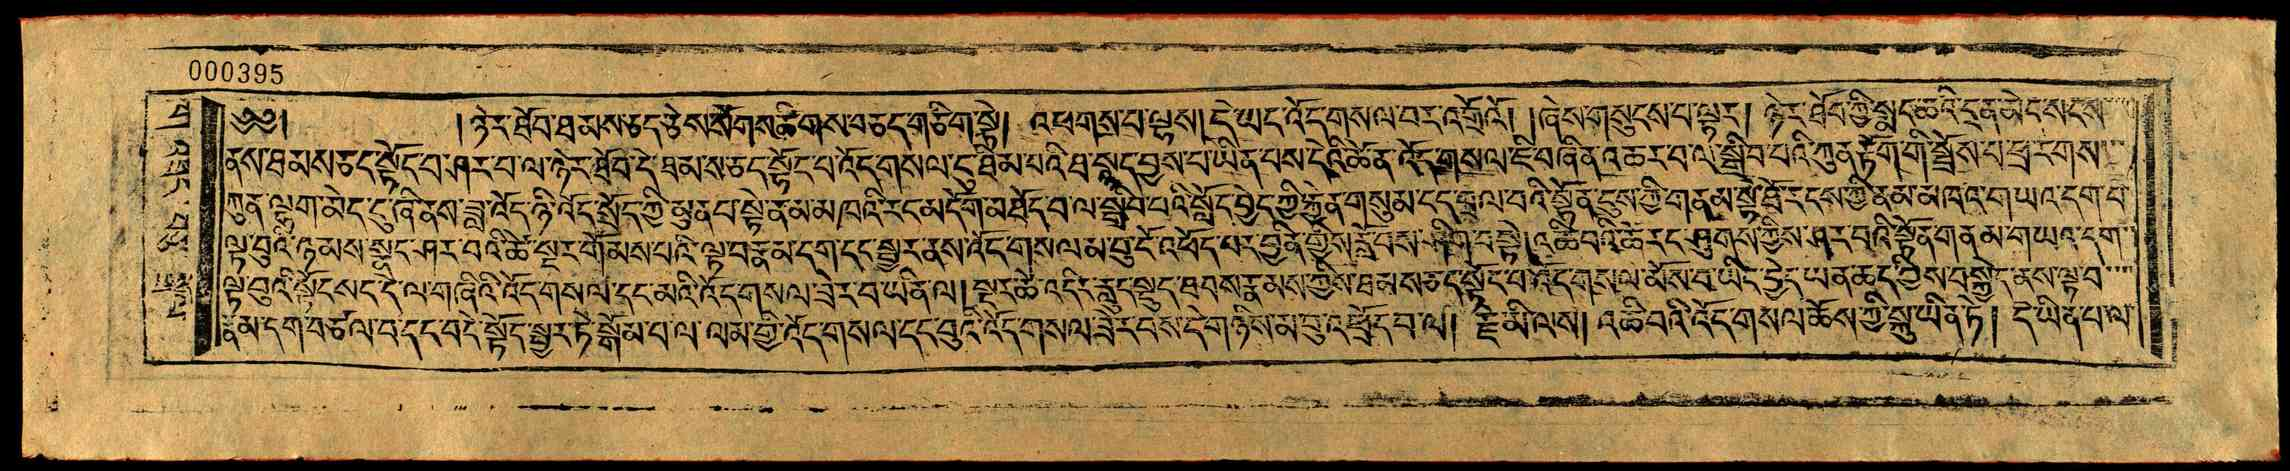༄༅། །ཉེར་ཐོབ་ཐམས་ཅད་ཅེས་སོགས་ཚིགས་བཅད་གཅིག་སྟེ། འཕགས་པ་ལྷས། དེ་ཡང་འོད་གསལ་བར་འགྲོའོ། །ཞེས་གསུངས་པ་ལྟར། ཉེར་ཐོབ་ཀྱི་སྨད་ཆའི་དྲན་མེད་སངས་
ནས་ཐམས་ཅད་སྟོང་པ་ཤར་བ་ལ་ཉེར་ཐོབ་དེ་ཐམས་ཅད་སྟོང་པ་འོད་གསལ་དུ་ཐིམ་པའི་ཐ་སྙད་བྱས་པ་ཡིན་པས་དེའི་ཚེ་ན་འོད་གསལ་ཇི་བཞིན་འཆར་བ་ལ་སྒྲིབ་པའི་ཀུན་རྟོག་གི་སྤྲོས་པ་ཕྲ་རགས་
ཀུན་ལྷག་མེད་དུ་ཞི་ནས་ཟླ་འོད་ཉི་འོད་སྲོད་ཀྱི་མུན་པ་སྟེ་ནམ་མཁའི་རང་མདོག་མཐོང་བ་ལ་སྒྲིབ་པའི་སློད་བྱེད་ཀྱི་རྐྱེན་གསུམ་དང་བྲལ་བའི་སྟོན་དུས་ཀྱི་གནམ་སྟེ་ཐོ་རངས་ཀྱི་ནམ་མཁའ་གཡའ་དག་པ་
ལྟ་བུའི་ཉམས་སྣང་ཤར་བའི་ཚེ་སྔར་གོམས་པའི་ལྟ་བ་རྣམ་དག་དང་སྦྱར་ནས་འོད་གསལ་མ་བུ་ངོ་འཕྲོད་པར་བྱིན་གྱིས་རློབས་ཤིག་པ་སྟེ། འཆི་བའི་ཚེ་རང་ཤུགས་ཀྱིས་ཤར་བའི་སྟོན་གནམ་གཡའ་དག་
ལྟ་བུའི་སྟོང་སང་དེ་ལ་གཞིའི་འོད་གསལ་དང་མའི་འོད་གསལ་ཟེར་བ་ཡིན་ལ། སྔར་ཚེ་འདིར་རླུང་སྡུད་ཐབས་རྣམས་ཀྱིས་ཐམས་ཅད་སྟོང་པ་འོང་གསལ་མོས་པ་ཡིད་བྱེད་ཡན་ཆད་ཀྱིས་བསྐྱེད་ནས་ལྟ་བ་
རྣམ་དག་བཙལ་བ་དང་བདེ་སྟོང་སྦྱར་ཏེ་སྒོམ་པ་ལ་ལམ་གྱི་འོད་གསལ་དང་བུའི་འོད་གསལ་ཟེར་བས་དེ་གཉིས་མ་བུ་འཕྲོད་པ་ལ། རྗེ་མི་ལས། འཆི་བའི་འོད་གསལ་ཆོས་ཀྱི་སྐུ་ཡིན་ཏེ། དེ་ཡིན་པ་ལ་